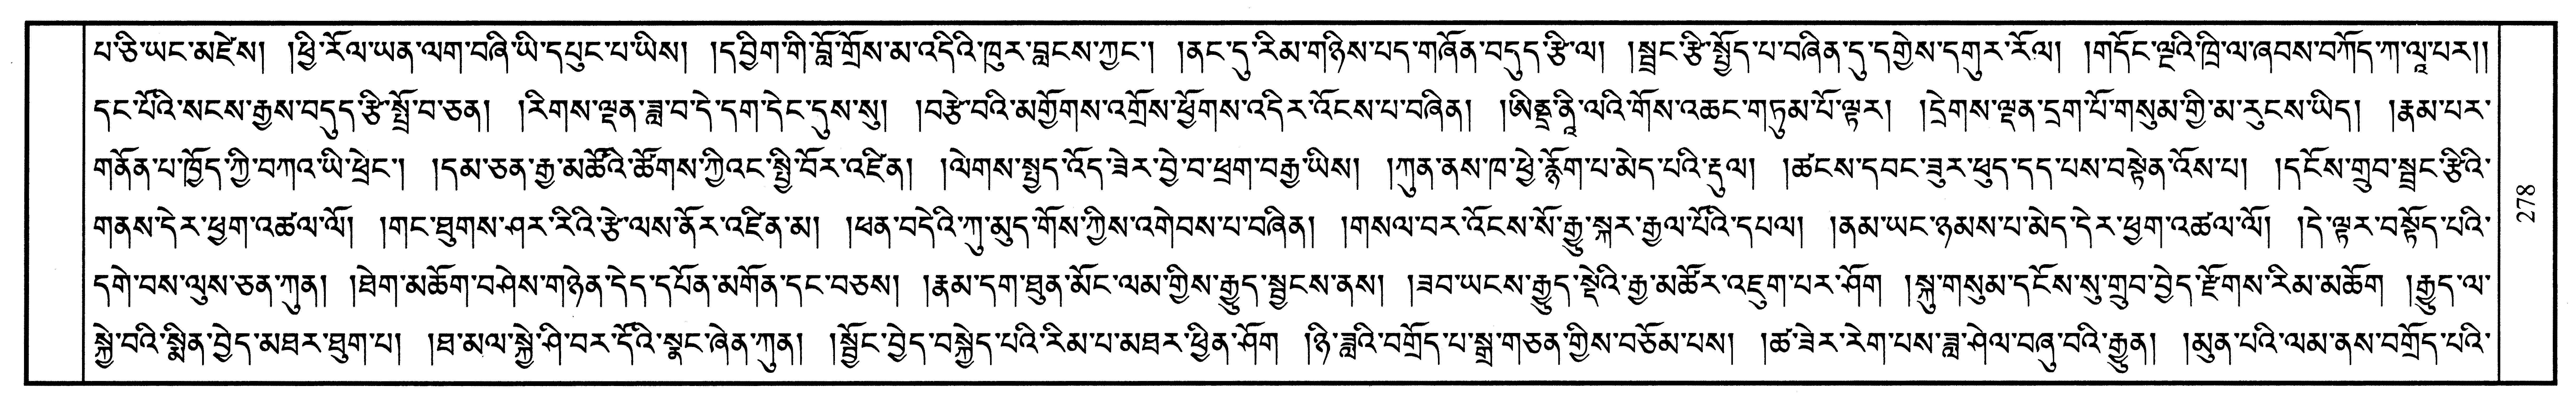པ་ཅི་ཡང་མཛེས། །ཕྱི་རོལ་ཡན་ལག་བཞི་ཡི་དཔུང་པ་ཡིས། །དབྱིག་གི་བློ་གྲོས་མ་འདིའི་ཁུར་བླངས་ཀྱང་། །ནང་དུ་རིམ་གཉིས་པད་གཞོན་བདུད་རྩི་ལ། །སྦྲང་རྩི་སྤྱོད་པ་བཞིན་དུ་དགྱེས་དགུར་རོལ། །གདོང་ལྔའི་ཁྲི་ལ་ཞབས་བཀོད་ཀ་ལཱ་པར།།
དང་པོའི་སངས་རྒྱས་བདུད་རྩི་སྤྲོ་བ་ཅན། །རིགས་ལྡན་ཟླ་བ་དེ་དག་དེང་དུས་སུ། །བརྩེ་བའི་མགྱོགས་འགྲོས་ཕྱོགས་འདིར་འོངས་པ་བཞིན། །ཨིནྡྲ་ནཱི་ལའི་གོས་འཆང་གཏུམ་པོ་ལྟར། །དྲེགས་ལྡན་དྲག་པོ་གསུམ་གྱི་མ་རུངས་ཡིད། །རྣམ་པར་
གནོན་པ་ཁྱོད་ཀྱི་བཀའ་ཡི་ཕྲེང་། །དམ་ཅན་རྒྱ་མཚོའི་ཚོགས་ཀྱིའང་སྤྱི་བོར་འཛིན། །ལེགས་སྤྱད་འོད་ཟེར་བྱེ་བ་ཕྲག་བརྒྱ་ཡིས། །ཀུན་ནས་ཁ་ཕྱེ་རྙོག་པ་མེད་པའི་རྡུལ། །ཚངས་དབང་ཟུར་ཕུད་དད་པས་བསྟེན་འོས་པ། །དངོས་གྲུབ་སྦྲང་རྩིའི་
གནས་དེར་ཕྱག་འཚལ་ལོ། །གང་ཐུགས་ཤར་རིའི་རྩེ་ལས་ནོར་འཛིན་མ། །ཕན་བདེའི་ཀུ་མུད་གོས་ཀྱི་འགེབས་པ་བཞིན། །གསལ་བར་འོངས་སོ་རྒྱུ་སྐར་རྒྱལ་པོའི་དཔལ། །ནམ་ཡང་ཉམས་པ་མེད་དེར་ཕྱག་འཚལ་ལོ། །དེ་ལྟར་བསྟོད་པའི་
དགེ་བས་ལུས་ཅན་ཀུན། །ཐེག་མཆོག་བཤེས་གཉེན་དེད་དཔོན་མགོན་དང་བཅས། །རྣམ་དག་ཐུན་མོང་ལམ་གྱིས་རྒྱུད་སྦྱངས་ནས། །ཟབ་ཡངས་རྒྱུད་སྡེའི་རྒྱ་མཚོར་འཇུག་པར་ཤོག །སྐུ་གསུམ་དངོས་སུ་གྲུབ་བྱེད་རྫོགས་རིམ་མཆོག །རྒྱུད་ལ་
སྐྱེ་བའི་སྨིན་བྱེད་མཐར་ཐུག་པ། །ཐ་མལ་སྐྱེ་ཤི་བར་དོའི་སྣང་ཞེན་ཀུན། །སྦྱོང་བྱེད་བསྐྱེད་པའི་རིམ་པ་མཐར་ཕྱིན་ཤོག །ཉི་ཟླའི་བགྲོད་པ་སྒྲ་གཅན་གྱིས་བཅོམ་པས། །ཚ་ཟེར་རེག་པས་ཟླ་ཤེལ་བཞུ་བའི་རྒྱུན། །མུན་པའི་ལམ་ནས་བགྲོད་པའི་